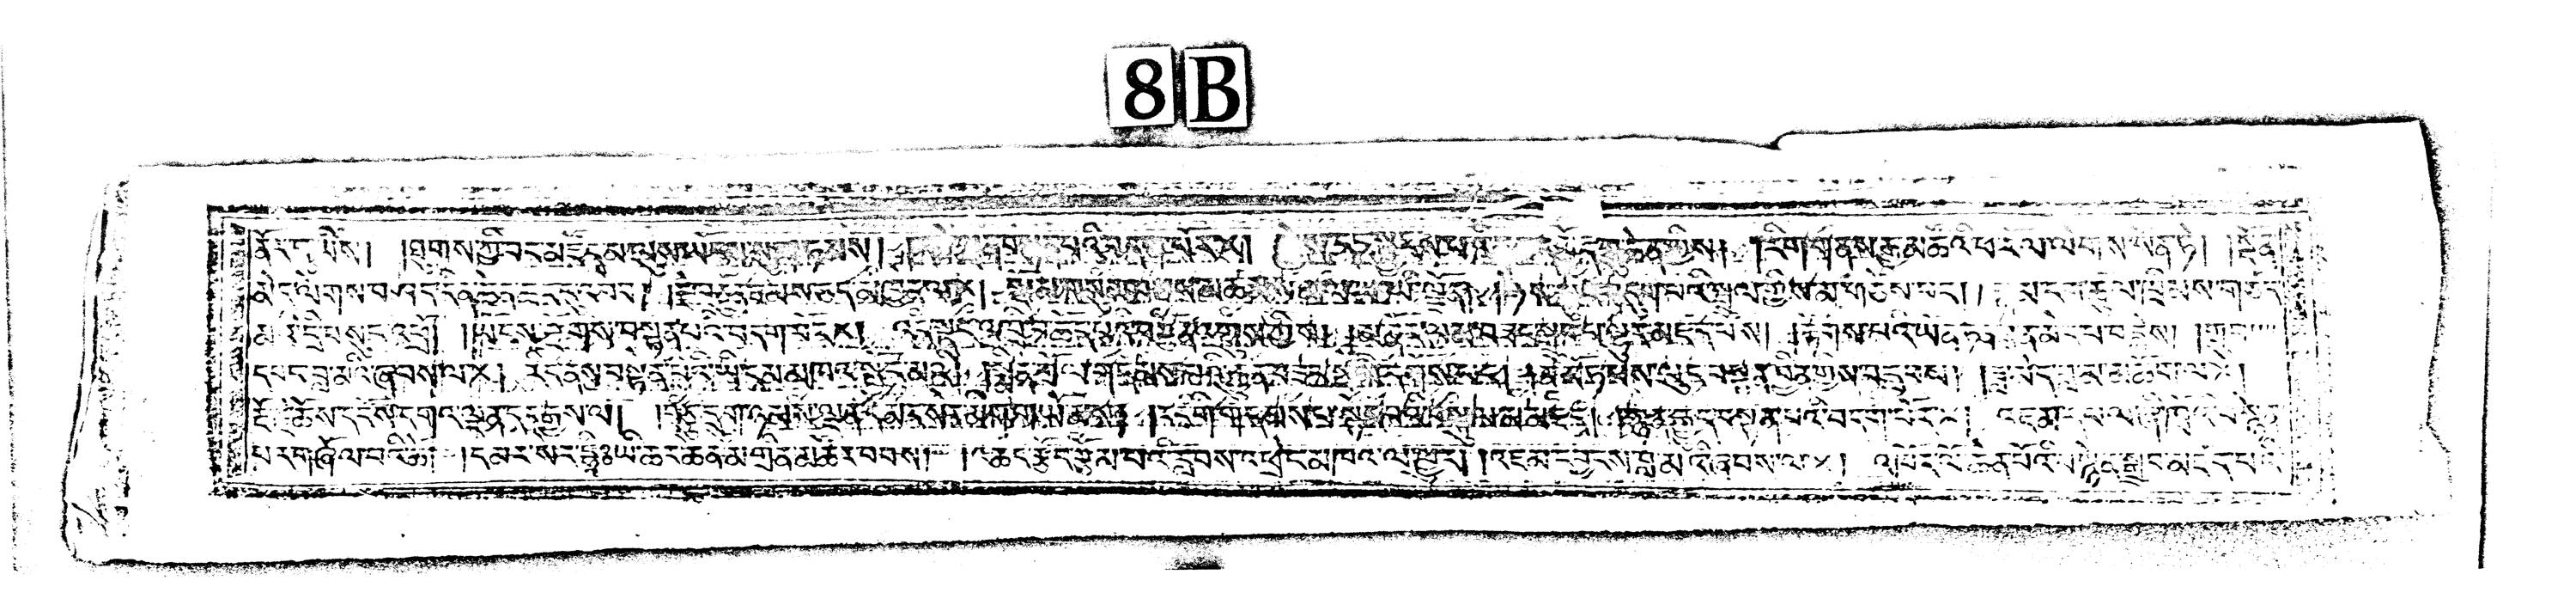ནོར་བུ་ཡིས། །ཐུགས་ཀྱི་བང་མཛོད་མ་ལུས་ཡོངས་སུ་གཏམས། །དགེ་ལྡན་བསྟན་པའི་བདག་པོར་྾། སྐྱེས་དང་སྦྱངས་པའི་རྣམ་དཔྱོད་གྲུ་ཆེན་གྱིས། །རིག་གནས་རྒྱ་མཚོའི་ཕ་རོལ་ལེགས་སོན་ཏེ། །སྔོན་
མེད་ལེགས་བཤད་རིན་ཆེན་ཆར་དུ་འབབ། །རྗེ་བཙུན་ཐམས་ཅད་མཁྱེན་ལ་྾། སྡོམ་གསུམ་བཅས་མཚམས་མ་ལ་ཡ་ཡི་ལྗོན། །ཉེས་ལྟུང་གདུག་པའི་སྤྲུལ་གྱིས་མ་གཙེས་པར། །རྣམ་དག་ཚུལ་ཁྲིམས་གཙང་
མའི་དྲི་བསུང་འཕྲོ། །ཡོངས་རྫོགས་བསྟན་པའི་བདག་པོར་྾། འདི་སྣང་འཁྲི་བ་ཆོད་པའི་བརྩོན་འགྲུས་ཀྱིས། །མ་ནོར་ལམ་བཟང་སྒྲུབ་པ་ལྷུར་མཛད་པས། །རྟོགས་པའི་ཡོན་ཏན་བླ་ན་མེད་པ་བརྙེས། །གྲུབ་
དབང་བླ་མའི་ཞབས་ལ་྾། རིང་ནས་བསྟེན་པའི་ཡི་དམ་མཁའ་སྤྱོད་མའི། །སྨིན་གྲོལ་གདམས་པའི་རྒྱུན་བཟང་སྤེལ་དགོས་པར། །ན་རོ་ཏ་པས་ལུང་བསྟན་བྱིན་གྱིས་བརླབས། །ཟླ་མེད་བླ་མ་མཆོག་ལ་྾།
རྡོ་རྗེ་ཆོས་དངོས་དགའ་ལྡན་དར་རྒྱས་ལ། །བཅུ་དྲུག་ཉམས་ལྡན་དམར་སེར་མིག་གཡོ་མས། །རང་གི་གདམས་པ་སྟེར་བའི་བསྐུལ་མ་མཛད། །སྙན་རྒྱུད་བསྟན་པའི་བདག་པོར་྾། འཇམ་དཔལ་ཞི་ཁྲོའི་བསྙེན་
པར་གཞོལ་བའི་ཚེ། །དམར་སེར་དྷིཿ ཡི་ཆར་ཆེན་མགྲིན་མཚོར་བབས། །འཆད་རྩོད་རྩོམ་པའི་རླབས་འཕྲེང་མཁའ་ལ་ཕྱུར། །འཇམ་དབྱངས་བླ་མའི་ཞབས་ལ་྾། འཁོར་ལོ་ཆེན་པོའི་བསྙེན་སྒྲུབ་མཛད་པའི་